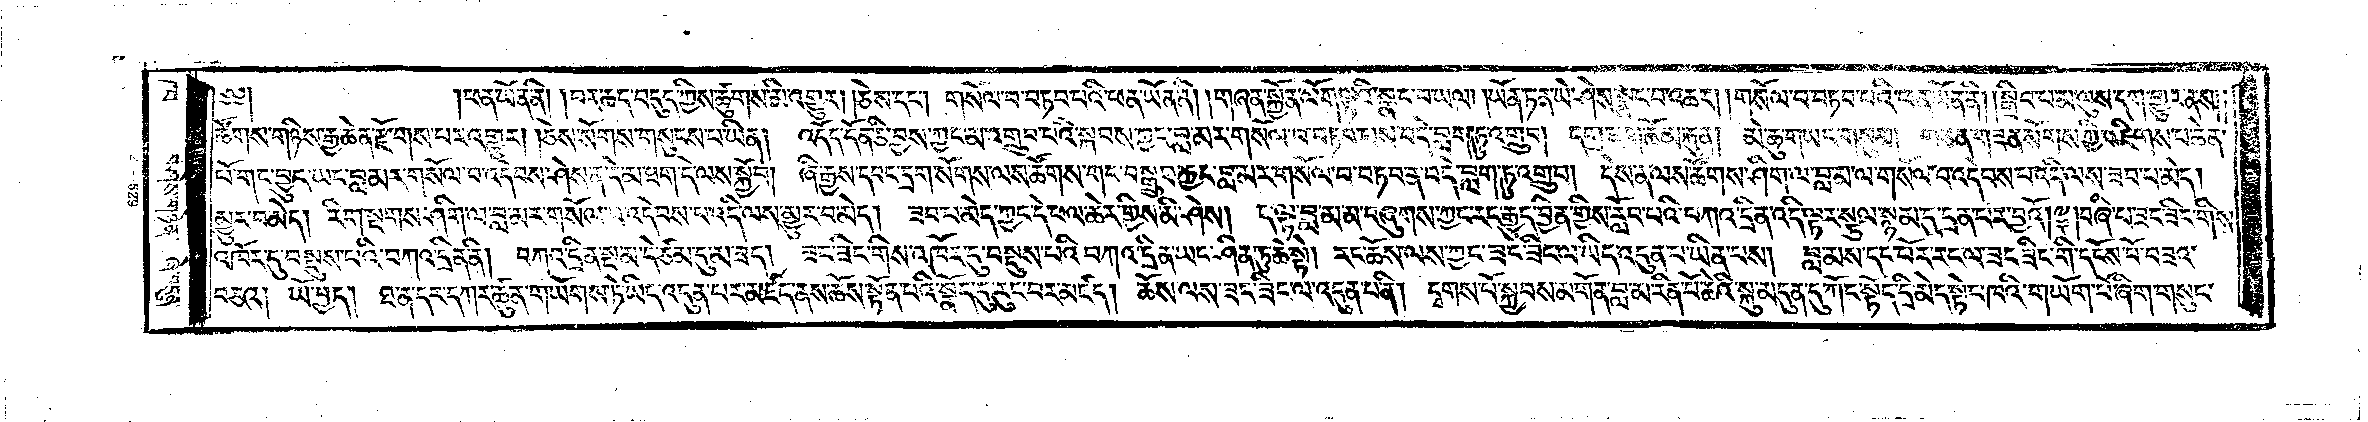༄༅། །ཕན་ཡོན་ནི། །བར་ཆད་བདུད་ཀྱིས་ཚུགས་མི་འགྱུར། །ཅེས་དང་། གསོལ་བ་བཏབ་པའི་ཕན་ཡོན་ནོ། །གཞན་སྐྱོན་ལོག་ལྟའི་སྣང་བ་ཡལ། །ཡོན་ཏན་ཡེ་ཤེས་སྣང་བ་འཆར། །གསོལ་བ་བཏབ་པའི་ཕན་ཡོན་ནི། །སྒྲིབ་པ་མ་ལུས་དག་གྱུར་ནས། །
ཚོགས་གཉིས་རྒྱ་ཆེན་རྫོགས་པར་འགྱུར། །ཅེས་སོགས་གསུངས་པ་ཡིན། འདོད་དོན་ཅི་བྱས་ཀྱང་མ་འགྲུབ་པའི་སྐབས་ཀྱང་བླ་མར་གསོལ་བ་བཏབ་པས་བདེ་བླག་ཏུ་འགྲུབ། དགྲ་ཇག་ཆོམ་རྐུན། མེ་ཆུ་གཡང་གསུམ། གཅན་གཟན་སོགས་ཀྱི་འཇིགས་པ་ཆེན་
པོ་གང་བྱུང་ཡང་བླ་མར་གསོལ་བ་འདེབས་ཤེས་ན་དེ་མ་ཐག་དེ་ལས་སྐྱོབ། ཞི་རྒྱས་དབང་དྲག་སོགས་ལ་ཚོགས་གང་བསྒྲུབ་རྐྱང་བླ་མར་གསོལ་བ་བཏབ་ན་བདེ་བླག་ཏུ་འགྲུབ། །དེས་ན་ལས་ཚོགས་ཤིག་ལ་བླ་མ་ལ་གསོལ་བ་འདེབས་པ་འདི་ལས་ཟབ་པ་མེད།
མྱུར་པ་མེད། རིག་སྔགས་ཤིག་ལ་བླ་མར་གསོལ་བ་འདེབས་པ་འདི་ལས་མྱུར་བ་མེད། ཟབ་པ་མེད་ཀྱང་དེ་ཕལ་ཆེར་གྱིས་མི་ཤེས། ད་ལྟ་བླ་མ་མ་བཞུགས་ཀྱང་རང་རྒྱུད་བྱིན་གྱིས་རློབ་པའི་བཀའ་དྲིན་འདི་ལྟར་སྡུལ་སྙམ་དུ་དྲན་པར་བྱའོ། ༈ །བཞི་པ་ཟང་ཟིང་གིས་
འཁོར་དུ་བསྡུས་པའི་བཀའ་དྲིན་ནི། བཀའ་དྲིན་སྔ་མ་དེ་ཙམ་དུ་མ་ཟད། ཟང་ཟིང་གིས་འཁོར་དུ་བསྡུས་པའི་བཀའ་དྲིན་ཡང་ཤིན་ཏུ་ཆེ་སྟེ། རང་ཆོས་ལས་ཀྱང་ཟང་ཟིང་ལ་ཡིད་འདུན་པ་ཡིན་པས། བླ་མས་དང་པོར་དང་ལ་ཟང་ཟིང་གི་དངོས་པོ་བཟའ་
བཅའ། ཡོ་བྱད། ཐ་ན་དང་དཀར་ཚུན་གཡོགས་ཏེ་ཡིད་འདུན་པར་མཛད་ནས་ཆོས་སྟོན་པའི་སྣོད་དུ་རུང་པར་མཛད། ཆོས་ལས་ཟང་ཟིང་ལ་འདུན་པ་ནི། དྭགས་པོ་སྐྱབས་མགོན་བླ་མ་རིན་པོ་ཆེའི་སྐུ་མདུན་དུ་ཀོང་སྟོད་དྲི་མེད་སྟེང་ཁའི་གཡོག་པོ་ཞིག་གསུང་